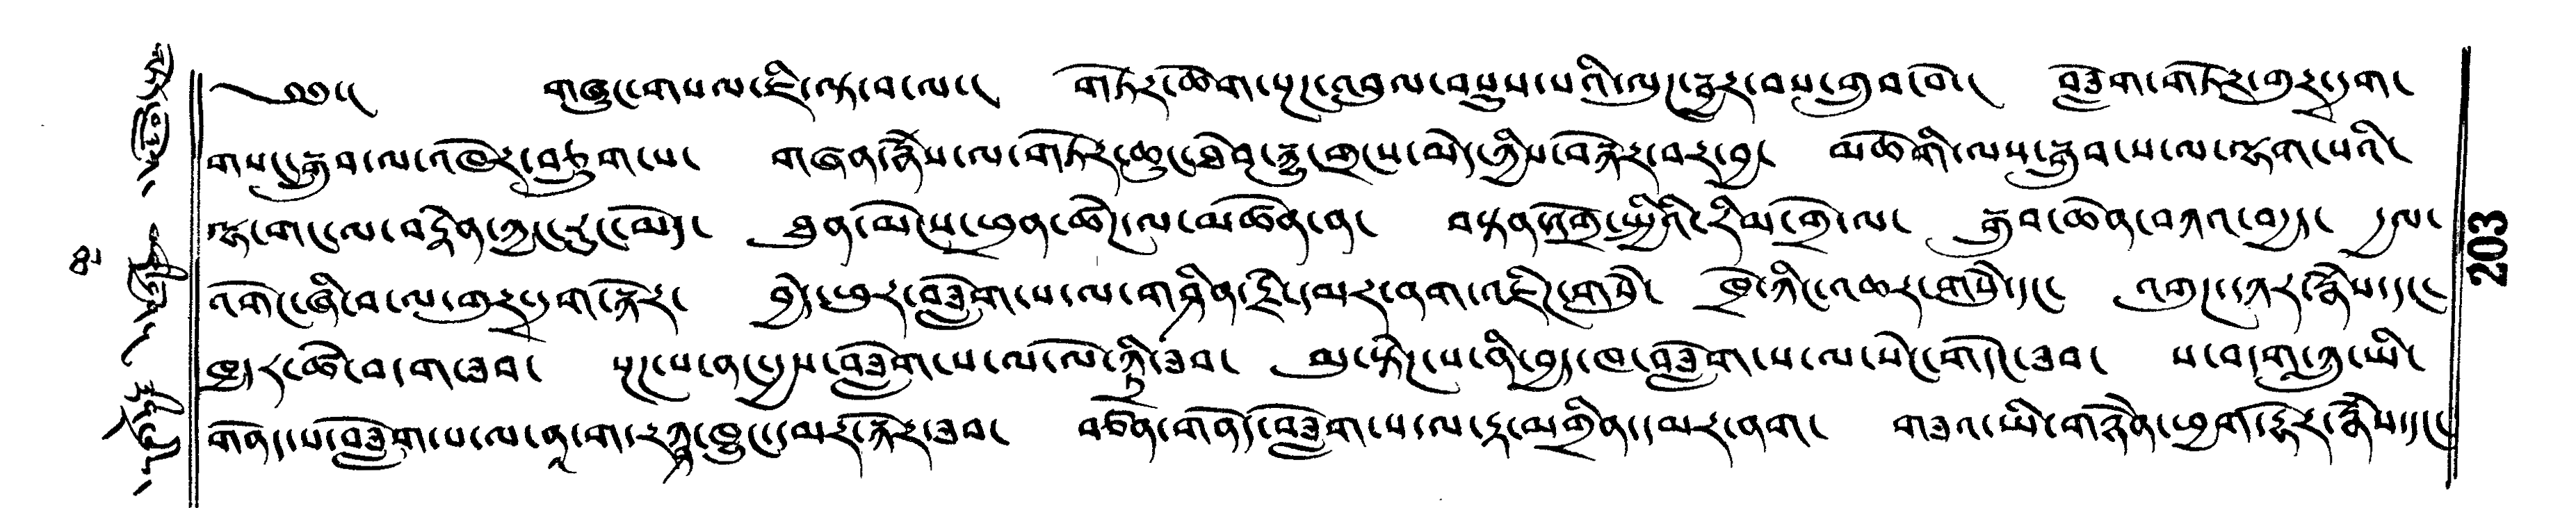གཞུང་གསལ་ཇི་ལྟ་བ་ལ། གཏོར་ཆོག་སྔགས་འབུལ་བསྡུས་པའི་ལུགས་སྦྱར་བས་གྲུབ་བོ།། བཟློག་གཏོར་གུར་དྲག་
གསང་སྒྲུབ་ལ་འཁོར་བཅུ་དྲུག་པ། གཞན་རྣམས་ལ་གཏོར་ཆུང་མཐེབ་སྐྱུ་གྲངས་མེད་ཀྱིས་བསྐོར་བར་བྱ། མཆོག་གི་ལས་སྒྲུབ་པ་ལ་ལྷག་པའི་
ལྷ་གང་ལ་བརྟེན་ཀྱང་རུང་མོད། ཐུན་མོང་ཕྲན་ཚེགས་ལ་མཚོན་ན། བསྟན་འགྲོ་སྤྱིའི་རིམ་གྲོ་ལ། སྒྲུབ་ཆེན་བཀའ་བརྒྱད། རྒྱལ་
འགོང་ཞི་བ་ལ་གུར་དྲག་སྐོར། བྱད་ཕུར་བཟློག་པ་ལ་གཤིན་རྗེ་དམར་ནག་འཇིགས་གསུམ། ཁྲོ་ཀིང་འཆར་གསུམ་དང་། གདུགས་དཀར་རྣམས་དང་
ཁྱད་པར་ཚེ་བདག་ཟབ།སྔགས་པ་ནང་གྱེས་བཟློག་པ་ལ་ལོ་ཀྟྲ་ཟབ། མུ་སྟེགས་པའི་བྱད་ཁ་བཟློག་པ་ལ་སེང་གདོང་ཟབ། ས་བདག་ཀླུ་ཡི་
གནོད་པ་བཟློག་པ་ལ་ནཱ་ག་རཀྴ་ཁྱུང་དམར་སྐོར་ཟབ། བཙན་གནོད་བཟློག་པ་ལ་རྟ་མགྲིན་དམར་ནག གཟའ་ཡི་གཉེན་པོ་ཕྱག་རྡོར་རྣམས་དང་།